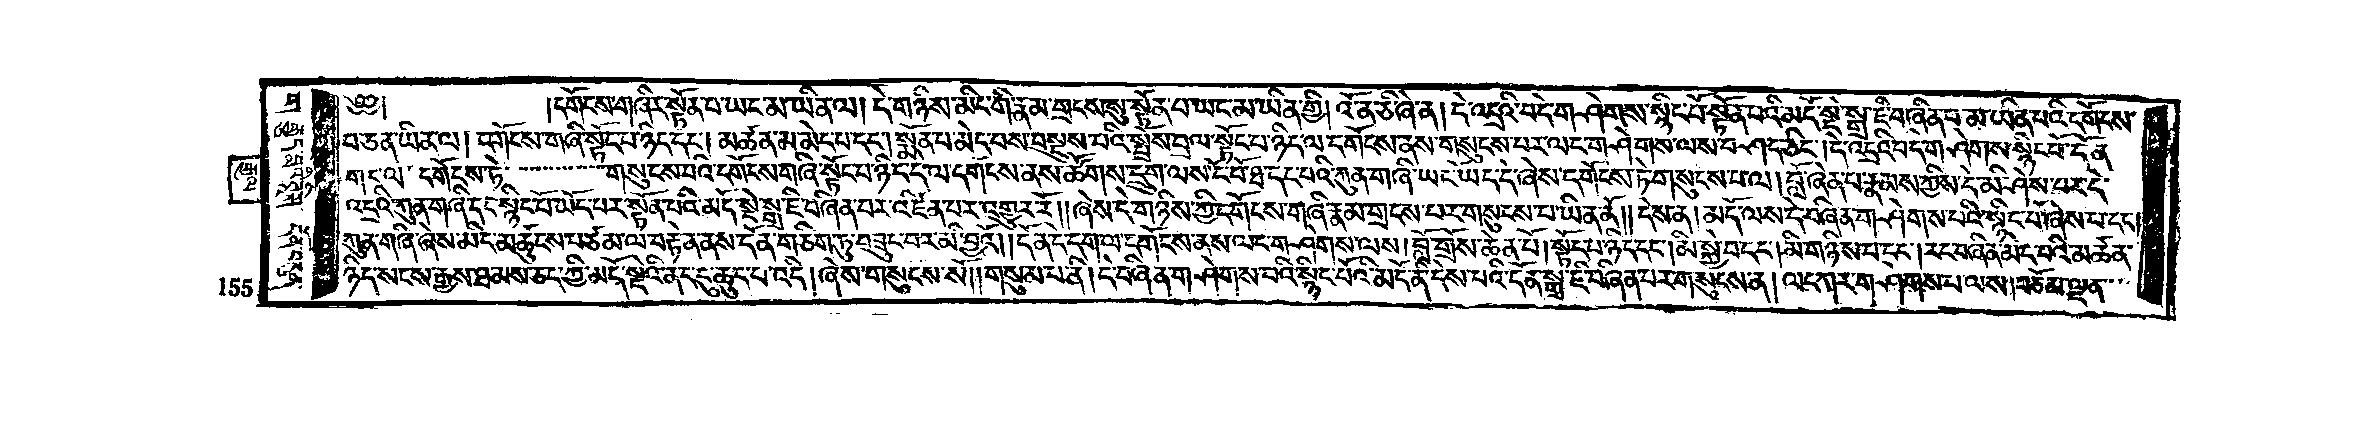༄༅། །དགོངས་གཞིར་སྟོན་པ་ཡང་མ་ཡིན་ལ། དེ་གཉིས་མིང་གི་རྣམ་གྲངས་སུ་སྟོན་པ་ཡང་མ་ཡིན་གྱི། འོ་ན་ཅི་ཞེ་ན། དེ་འདྲའི་བདེ་གཤེགས་སྙིང་པོ་སྟོན་པའི་མདོ་སྡེ་སྒྲ་ཇི་བཞིན་པ་མ་ཡིན་པའི་དགོངས་
པ་ཅན་ཡིན་ལ། དགོངས་གཞི་སྟོང་པ་ཉིད་དང་། མཚན་མ་མེད་པ་དང་། སྨོན་པ་མེད་པས་བསྡུས་པའི་སྤྲོས་བྲལ་སྟོང་པ་ཉིད་ལ་དགོངས་ནས་གསུངས་པར་ལང་གཤེགས་ལས་བཤད་ཅིང་། དེ་འདྲའི་བདེ་གཤེགས་སྙིང་པོ་དོན་
གང་ལ་དགོངས་ཏེ། གསུངས་པའི་དགོངས་གཞི་སྟོང་པ་ཉིད་དེ་ལ་དགོངས་ནས་ཚོགས་དྲུག་ལས་ངོ་བོ་ཐ་དད་པའི་ཀུན་གཞི་ཡང་ཡོད་དེ་ཞེས་དགོངས་ཏེ་གསུངས་པ་ལ། བློ་ཞེན་པ་རྣམས་ཀྱིས་དེ་མི་ཤེས་པར་དེ་
འདྲའི་ཀུན་གཞི་དང་སྙིང་པོ་ཡོད་པར་སྟོན་པའི་མདོ་སྡེ་སྒྲ་ཇི་བཞིན་པར་འཛིན་པར་འགྱུར་རོ། །ཞེས་དེ་གཉིས་ཀྱི་དགོངས་གཞི་རྣམ་གྲངས་པར་གསུངས་པ་ཡིན་ནོ། །དེས་ན། མདོ་ལས་དེ་བཞིན་གཤེགས་པའི་སྙིང་པོ་ཞེས་པ་དང་།
ཀུན་གཞི་ཞེས་མིང་མཚུངས་པ་ཙམ་ལ་བརྟེན་ནས་དོན་གཅིག་ཏུ་བཟུང་བར་མི་བྱའོ། །དོན་དེ་དག་ལ་དགོངས་ནས་ལང་གཤེགས་ལས། བློ་གྲོས་ཆེན་པོ། སྟོང་པ་ཉིད་དང་། མི་སྐྱེ་བ་དང་། མི་གཉིས་པ་དང་། རང་བཞིན་མེད་པའི་མཚན་
ཉིད་སངས་རྒྱས་ཐམས་ཅད་ཀྱི་མདོ་སྡེའི་ནང་དུ་ཆུད་པ་འདི། ཞེས་གསུངས་སོ། །གསུམ་པ་ནི། དེ་བཞིན་གཤེགས་པའི་སྙིང་པོའི་མདོ་ནི་ངེས་པའི་དོན་སྒྲ་ཇི་བཞིན་པར་གསུངས་ན། ལང་ཀར་གཤེགས་པ་ལས། བཅོམ་ལྡན་